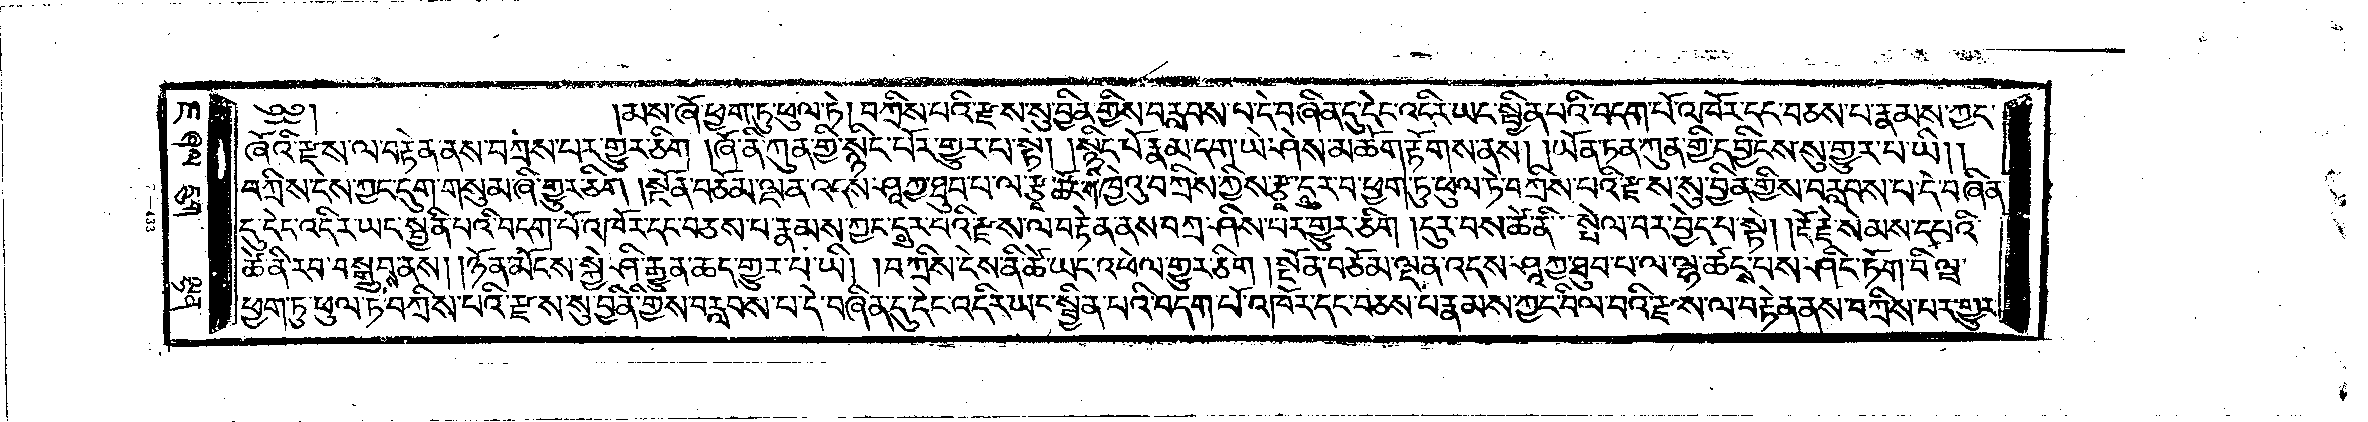༄༅། །མས་ཞོ་ཕྱག་ཏུ་ཕུལ་ཏེ། བཀྲིས་པའི་རྫས་སུ་བྱིན་གྱིས་བརླབས་པ་དེ་བཞིན་དུ་དེང་འདིར་ཡང་སྦྱིན་པའི་བདག་པོ་འཁོར་དང་བཅས་པ་རྣམས་ཀྱང་
ཞོའི་རྫས་ལ་བརྟེན་ནས་བཀྲིས་པར་གྱུར་ཅིག །ཞོ་ནི་ཀུན་གྱི་སྙིང་པོར་གྱུར་པ་སྟེ། །སྙིང་པོ་རྣམ་དག་ཡེ་ཤེས་མཆོག་རྟོགས་ནས། །ཡོན་ཏན་ཀུན་གྱི་དབྱིངས་སུ་གྱུར་པ་ཡི། །
བཀྲིས་ངེས་ཀྱང་དུག་གསུམ་ཞི་གྱུར་ཅིག །སྔོན་བཅོམ་ལྡན་འདས་ཤཱཀྱ་ཐུབ་པ་ལ་རྩྭ་ཚོང་གི་ཁྱེའུ་བཀྲིས་ཀྱིས་རྩྭ་དཱུར་བ་ཕྱག་ཏུ་ཕུལ་ཏེ་བཀྲིས་པའི་རྫས་སུ་བྱིན་གྱིས་བརླབས་པ་དེ་བཞིན་
དུ་དེང་འདིར་ཡང་སྦྱིན་པའི་བདག་པོ་འཁོར་དང་བཅས་པ་རྣམས་ཀྱང་དཱུར་བའི་རྫས་ལ་བརྟེན་ནས་བཀྲ་ཤིས་པར་གྱུར་ཅིག །དུར་བས་ཚེ་ནི་སྤེལ་བར་བྱེད་པ་སྟེ། །རྡོ་རྗེ་སེམས་དཔའི་
ཚེ་ནི་རབ་བསྒྲུབས་ནས། །ཉོན་མོངས་སྐྱེ་ཤི་རྒྱུན་ཆད་གྱུར་པ་ཡི། །བཀྲིས་དེས་ནི་ཚེ་ཡང་འཕེལ་གྱུར་ཅིག །སྔོན་བཅོམ་ལྡན་འདས་ཤཱཀྱ་ཐུབ་པ་ལ་ལྷ་ཚངས་པས་ཤིང་ཏོག་བིཝ་
ཕྱག་ཏུ་ཕུལ་ཏེ་བཀྲིས་པའི་རྫས་སུ་བྱིན་གྱིས་བརླབས་པ་དེ་བཞིན་དུ་དེང་འདིར་ཡང་སྦྱིན་པའི་བདག་པོ་འཁོར་དང་བཅས་པ་རྣམས་ཀྱང་བིལ་བའི་རྫས་ལ་བརྟེན་ནས་བཀྲིས་པར་གྱུར་